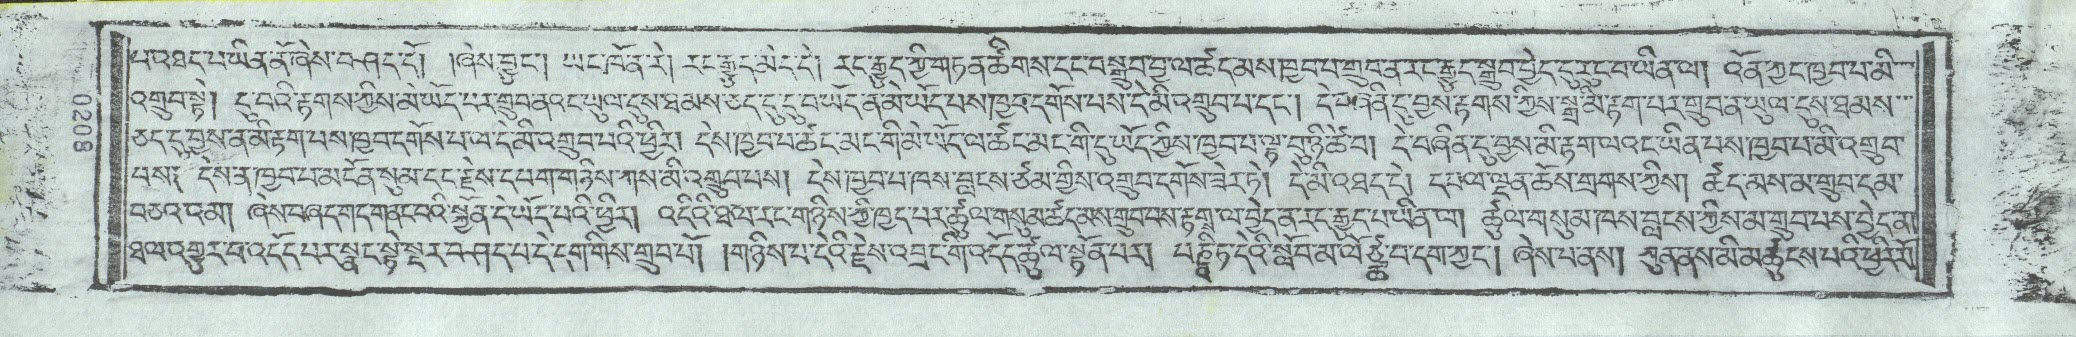པ་འཐད་པ་ཡིན་ནོ་ཞེས་བཤད་དོ། །ཞེས་བྱུང་། ཡང་ཁོ་ན་རེ། རང་རྒྱུད་མེད་དེ། རང་རྒྱུད་ཀྱི་གཏན་ཚིགས་དང་བསྒྲུབ་བྱ་ལ་ཚད་མས་ཁྱབ་པ་གྲུབ་ན་རང་རྒྱུད་སྒྲུབ་བྱེད་དུ་རུང་བ་ཡིན་ལ། འོན་ཀྱང་ཁྱབ་པ་མི་
འགྲུབ་སྟེ། དུ་བའི་རྟགས་ཀྱིས་མེ་ཡོད་པར་གྲུབ་ནའང་ཡུལ་དུས་ཐམས་ཅད་དུ་དུ་བ་ཡོད་ན་མེ་ཡོད་པས་ཁྱབ་དགོས་པས་དེ་མི་འགྲུབ་པ་དང་། དེ་བཞིན་དུ་བྱས་རྟགས་ཀྱིས་སྒྲ་མི་རྟག་པར་གྲུབ་ན་ཡུལ་དུས་ཐམས་
ཅད་དུ་བྱས་ན་མི་རྟག་པས་ཁྱབ་དགོས་པ་ལ་དེ་མི་འགྲུབ་པའི་ཕྱིར། དེས་ཁྱབ་པ་ཚང་མང་གི་མེ་ཡོད་ལ་ཚང་མང་གི་དུ་ཡོད་ཀྱིས་ཁྱབ་པ་ལྟ་བུ་ཉི་ཚེ་བ། དེ་བཞིན་དུ་བྱས་མི་རྟག་ལའང་ཡིན་པས་ཁྱབ་པ་མི་འགྲུབ་
པས༑ དེས་ན་ཁྱབ་པ་མངོན་སུམ་དང་རྗེས་དཔག་གཉིས་ཀས་མི་འགྲུབ་པས། དེས་ཁྱབ་པ་ཁས་བླངས་ཙམ་གྱིས་འགྲུབ་དགོས་ཟེར་ཏེ། དེ་མི་འཐད་དེ། དཔལ་ལྡན་ཆོས་གྲགས་ཀྱིས། ཚད་མས་མ་གྲུབ་དམ་
བཅའ་འམ། ཞེས་བཞད་གང་གནང་བའི་སྐྱོན་དེ་ཡོད་པའི་ཕྱིར། འདིའི་ཐལ་རང་གཉིས་ཀྱི་ཁྱད་པར་ཚུལ་གསུམ་ཚད་མས་གྲུབ་པས་རྟགས་ལ་བྱེད་ན་རང་རྒྱུད་པ་ཡིན་ལ། ཚུལ་གསུམ་ཁས་བླངས་ཀྱིས་མ་གྲུབ་པས་བྱེད་ན།
ཐལ་འགྱུར་པ་འདོད་པར་སྣང་སྟེ་སྔར་བཤད་པ་དེ་དག་གིས་གྲུབ་པོ། །གཉིས་པ་དེའི་རྗེས་འབྲང་གི་འདོད་ཚུལ་སྟོན་པར། པཎྚི་ཏ་དེའི་སློབ་མ་ལོ་ཙྪ་བ་དག་ཀྱང་། ཞེས་པ་ནས། ཀུན་ནས་མི་མཚུངས་པའི་ཕྱིར་རོ།